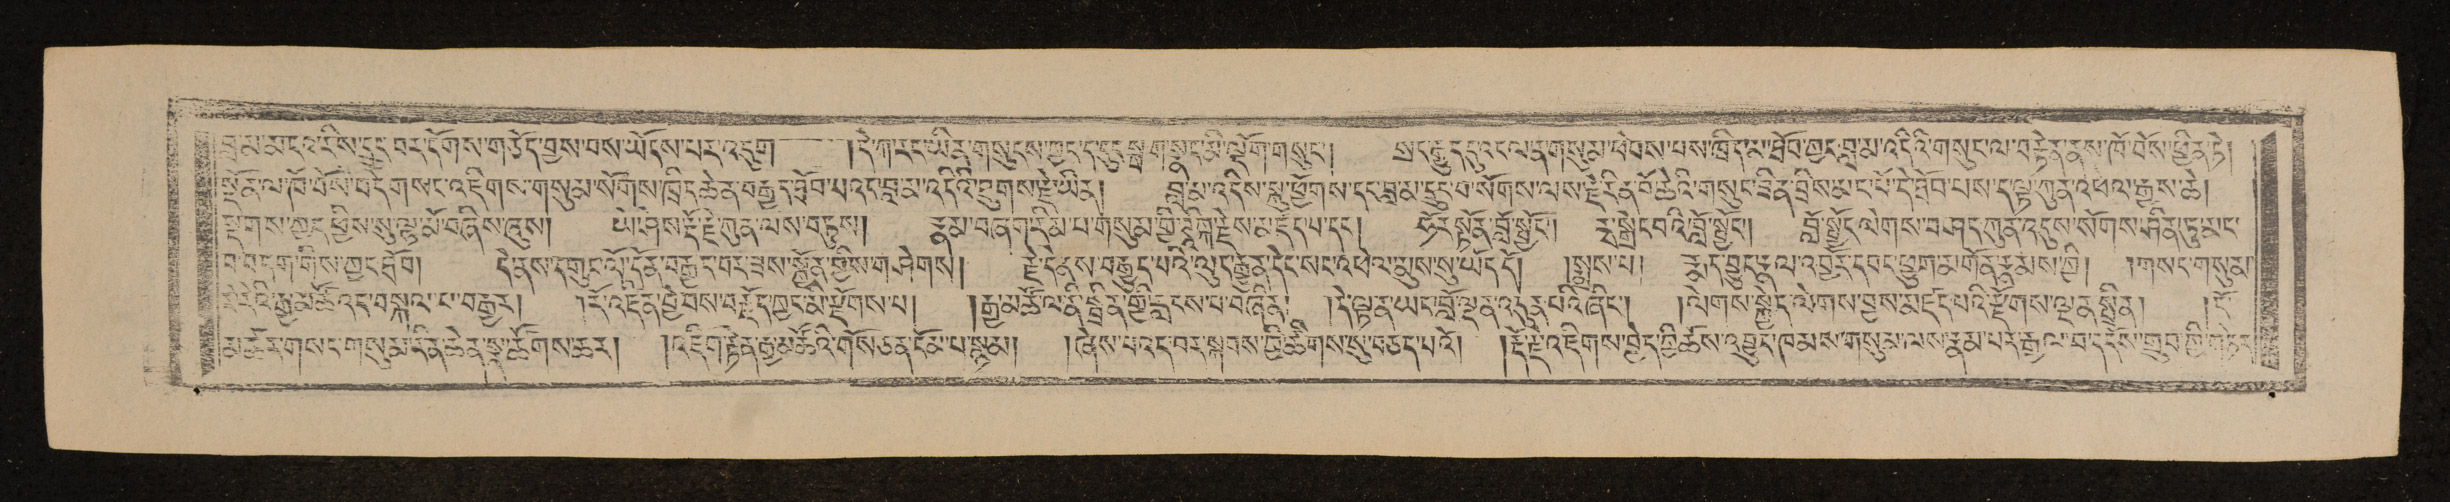བླ་མ་མངའ་རིས་དྲུང་བར་དོགས་གཅོད་བྱས་པས་ཡོངས་པར་འདུག །དེ་ཀ་རང་ཡིན་གསུངས་ཀྱང་ད་དུང་སྐྲག་སྣང་མི་ལྡོག་གསུང་། སྲད་རྒྱུད་དུའང་ལན་གསུམ་ཕེབས་པས་ཁྲིད་མ་ཐོབ་ཀྱང་བླ་མ་འདིའི་གསུང་ལ་བརྟེན་ནས་ཁོ་བས་ཕྱིན་ཏེ།
སྔོན་ལ་ཁོ་བོས་བདེ་གསང་འཇིགས་གསུམ་སོགས་ཁྲིད་ཆེན་བརྒྱད་ཐོབ་པའང་བླ་མ་འདིའི་ཐུགས་རྗེ་ཡིན། བླ་མ་འདིས་སྐུ་ཕྱོགས་དང་བླ་མ་དྲུང་བ་སོགས་ལས་རྗེ་རིན་པོ་ཆེའི་གསུང་ཟིན་བྲིས་མང་པོ་དེ་ཐོབ་པས་ད་ལྟ་ཀུན་འཕེལ་རྒྱས་ཆེ།
སྔགས་ཀྱང་ཕྱིས་སུ་ལྷ་མོ་བཞིས་ཞུས། ཡེ་ཤེས་རྡོ་རྗེ་ཀུན་ལས་བཏུས། རྣམ་བཞག་རིམ་པ་གསུམ་གྱི་ཊཱིཀྐ་རྗེས་མཛད་པ་དང་། ཧོར་སྟོན་བློ་སྦྱོང་། རྭ་སྒྲེང་བའི་བློ་སྦྱོང་། བློ་སྦྱོང་ལེགས་བཤད་ཀུན་འདུས་སོགས་ཤིན་ཏུ་མང་
བ་བདག་གིས་ཀྱང་ཐོབ། དེ་ནས་དགུང་ལོ་དོན་བརྒྱད་པར་ཟས་སྐྱོན་གྱིས་གཤེགས། རྗེ་དེ་ནས་བརྒྱུད་པའི་ལུང་རྒྱུན་དེང་སང་འཕེལ་མུས་སུ་ཡོད་དོ། །སྨྲས་པ། རྨད་བྱུང་རྣལ་འབྱོར་དབང་ཕྱུག་མགོན་རྣམས་ཀྱི། །གསང་གསུམ་
རེ་རེའི་རྒྱ་མཚོའང་བསྐལ་བ་བརྒྱར། །རོ་འཛིན་བྱེ་བས་བརྗོད་ཀྱང་མི་རྫོགས་པ། །རྒྱ་མཚོ་ལ་ནི་སྤྲིན་གྱི་རླངས་པ་བཞིན། །ད་ལྟ་ན་ཡང་བློ་ལྡན་འདུན་པའི་ཞིང་། །ལེགས་སྐྱེད་ལེགས་བྱས་མཇད་པའི་རྫོགས་ལྡན་སྤྱིན། །ངོ་
མཚར་གསང་གསུམ་རིན་ཆེན་སྣ་ཚོགས་ཆར། །འཇིག་རྟེན་རྒྱ་མཚོའི་གོས་ཅན་ངོམ་པ་སྙམ། །ཞེས་པའང་བར་སྐབས་ཀྱི་ཚིགས་སུ་བཅད་པའོ། །རྡོ་རྗེ་འཇིགས་བྱེད་ཀྱི་ཆོས་འབྱུང་ཁམས་གསུམ་ལས་རྣམ་པར་རྒྱལ་བ་དངོས་གྲུབ་ཀྱི་གཏེར་